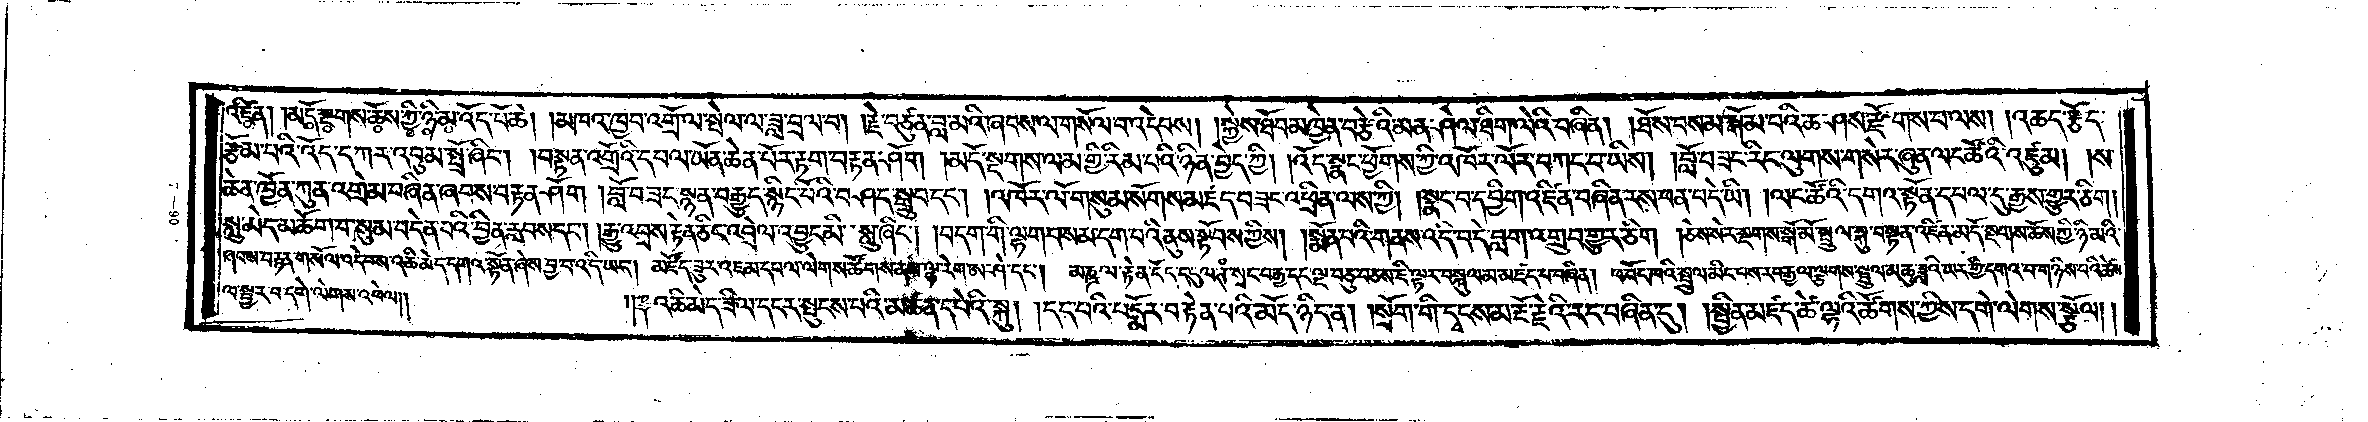འཛིན། །མདོ་སྔགས་ཆོས་ཀྱི་ཉི་མ་འོད་པོ་ཆེ། །མཁའ་ཁྱབ་འགྲོ་ལ་སྤེལ་ལ་ཟླ་བྲལ་བ། །རྗེ་བཙུན་བླ་མའི་ཞབས་ལ་གསོལ་བ་འདེབས། །སྐྱེས་ཐོབ་མཁྱེན་བརྩེའི་མན་ཤེལ་ཐིག་ལེའི་བཞིན། །ཐོས་བསམ་སྒོམ་པའི་ཆ་ཤས་རྫོགས་པ་ལས། །འཆད་རྩོད་
རྩོམ་པའི་འོད་དཀར་འབུམ་སྤྲོ་ཞིང་།བསྟན་འགྲོའི་དཔལ་ཡོན་ཆེན་པོར་རྟག་བརྟན་ཤོག །མདོ་སྔགས་ལམ་གྱི་རིམ་པའི་ཉིན་བྱེད་ཀྱི། །འོད་སྣང་ཕྱོགས་ཀྱི་འཁོར་ལོར་བཀང་བ་ཡིས། །བློ་བཟང་རིང་ལུགས་གསེར་ཞུན་ལང་ཚོའི་འཛུམ། །ས་
ཆེན་ཁྱོན་ཀུན་འགྲེམ་བཞིན་ཞབས་བརྟན་ཤོག །བློ་བཟང་སྙན་བརྒྱུད་སྙིང་པོའི་བཤད་སྒྲུབ་དང་། །འཁོར་ལོ་གསུམ་སོགས་མཛད་བཟང་འཕྲིན་ལས་ཀྱི། །སྣང་བ་དབྱིག་འཛིན་བཞིན་རས་ཕན་བདེ་ཡི། །ལང་ཚོའི་དགའ་སྟོན་དཔལ་དུ་རྒྱས་གྱུར་ཅིག །
སླུ་མེད་མཆོག་གསུམ་བདེན་པའི་བྱིན་རླབས་དང་། །རྒྱུ་འབྲས་རྟེན་ཅིང་འབྲེལ་འབྱུང་མི་སླུ་ཞིང་། །བདག་གི་ལྷག་བསམ་དག་པའི་ནུས་སྟོབས་ཀྱིས། །སྨོན་པའི་གནས་འདི་བདེ་བླག་འགྲུབ་གྱུར་ཅིག །ཅེས་སེར་སྔགས་སྒོ་མོ་སྤྲུལ་སྐུ་བསྟན་འཛིན་མདོ་སྔགས་ཆོས་ཀྱི་ཉི་མའི་
ཞབས་བརྟན་གསོལ་འདེབས་འཆི་མེད་དགའ་སྟོན་ཞེས་བྱ་བ་འདི་ཡང་། མཛོད་ཟུར་འཇམ་དཔལ་ལེགས་ཚོགས་ནས་ལྷ་རེག་ཨ་ཤེ་དང་། མཎྜལ་རྟེན་དོད་དངུལ་ཊཾ་སྲང་བརྒྱ་དང་ལྔ་བཅུ་བཅས་ཇི་ལྟར་བསྐུལ་མ་མཛད་པ་བཞིན། ཕ་བོང་ཁའི་སྤྲུལ་མིང་པས་རབ་རྒྱལ་ལྕགས་སྤྲུལ་མཆུ་ཟླའི་ཡར་གྱི་དགའ་བ་གཉིས་པའི་ཚེས་
ལ་སྦྱར་བ་དགེ་ལེགས་འཕེལ།། །།༈ འཆི་མེད་ཟིལ་དངར་སྤུངས་པའི་མཚན་དཔེའི་སྐུ། །དད་པའི་པདམོར་བརྟེན་པའི་མདོ་ཉིད་ན། །སྲོག་གི་དྭངས་མ་རྡོ་རྗེའི་རང་བཞིན་དུ། །སྦྱིན་མཛད་ཚེ་ལྷའི་ཚོགས་ཀྱིས་དགེ་ལེགས་སྩོལ།